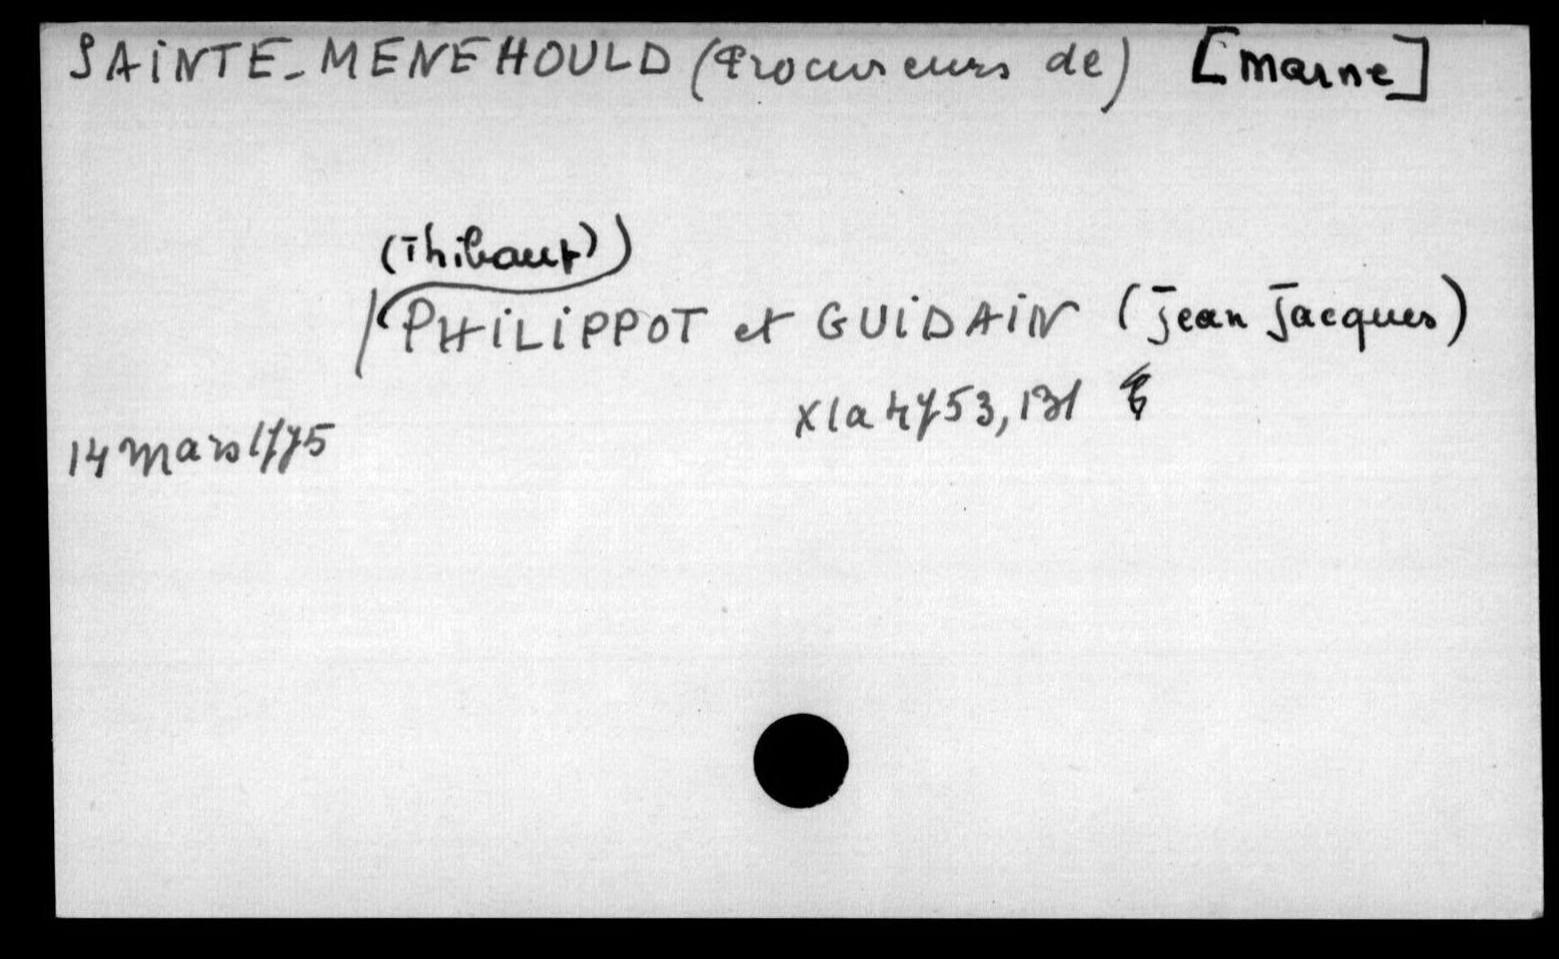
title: SAINTE-MENEHOULD (Procureurs de) [Marne]
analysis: Contre (Thibaut) PHILIPPOT et GUILDAIN (Jean Jacques)
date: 14 mars 1775
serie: X1a
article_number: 4753
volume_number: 131
